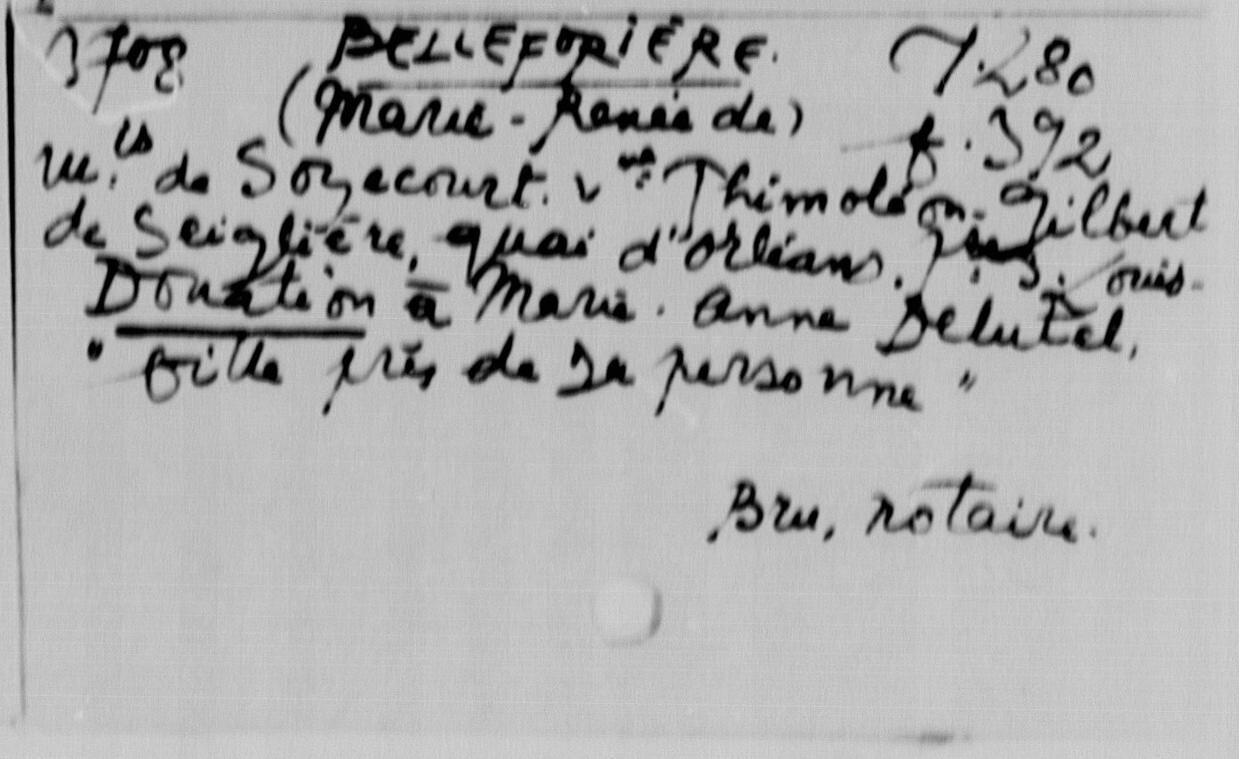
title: BELLEFORIERE (Marie-Renée de)
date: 1708
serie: Y
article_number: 280
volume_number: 392
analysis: marquis de Soyecourt, veuve Thimoléon Gilbert de Seiglière, quai d'Orléans, paroisse Saint Louis Donation à Marie-Anne Delutel, "fille près de sa personne" Bru, notaire.
